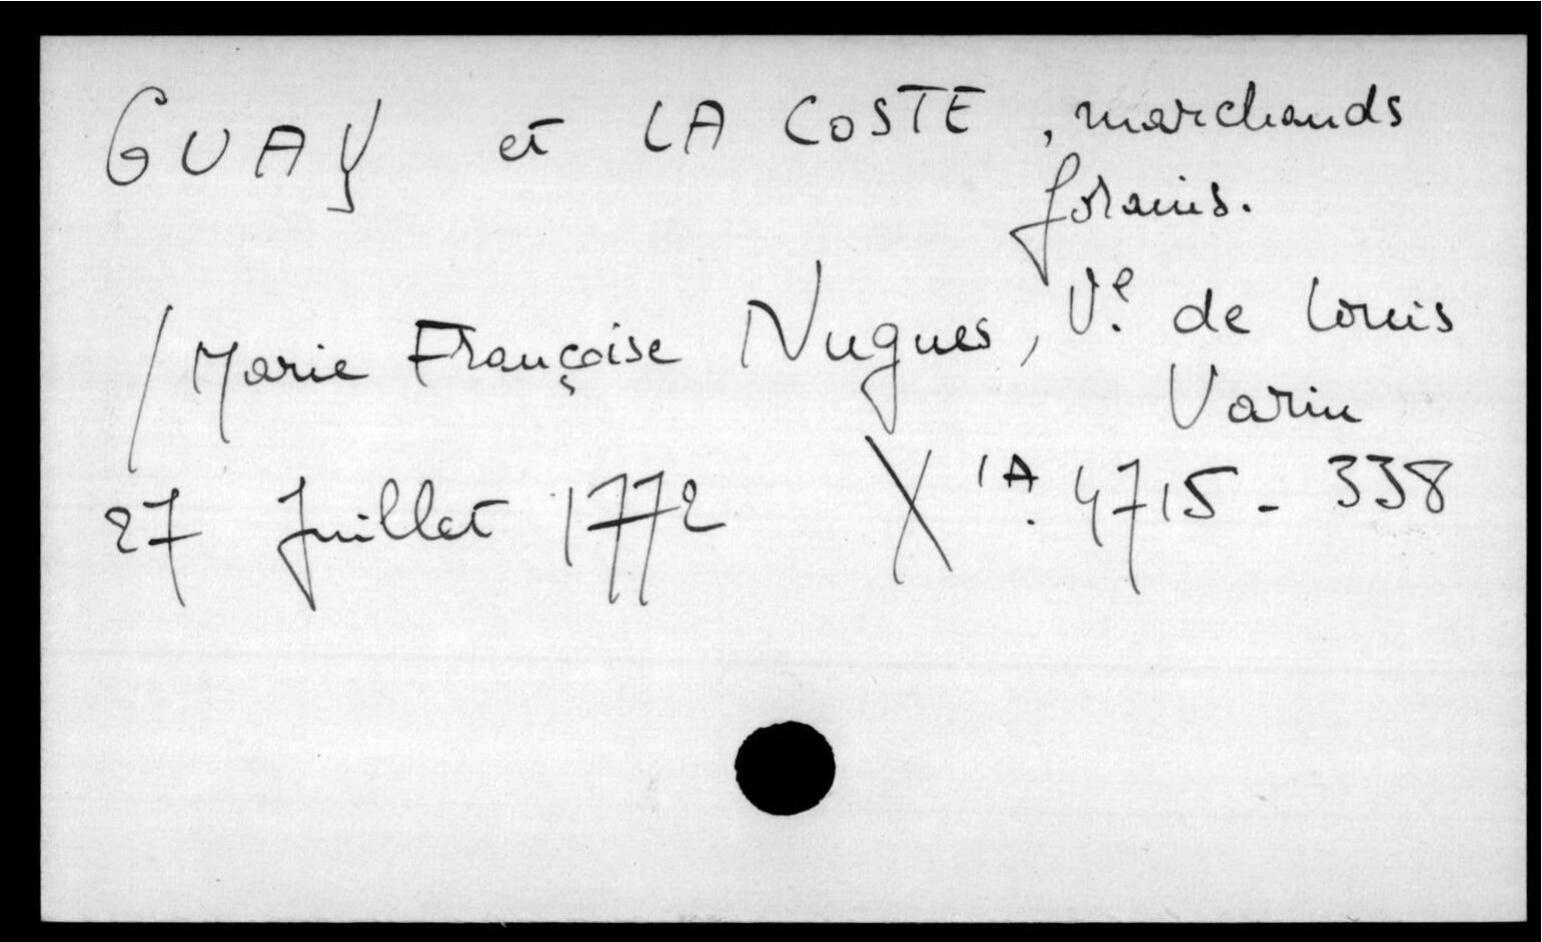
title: GUAY et LA COSTE, marchands forains
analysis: Contre Marie Françoise Nugues, veuve de Louis Varin
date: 27 juillet 1772
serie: X1A
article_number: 4715
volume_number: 338
